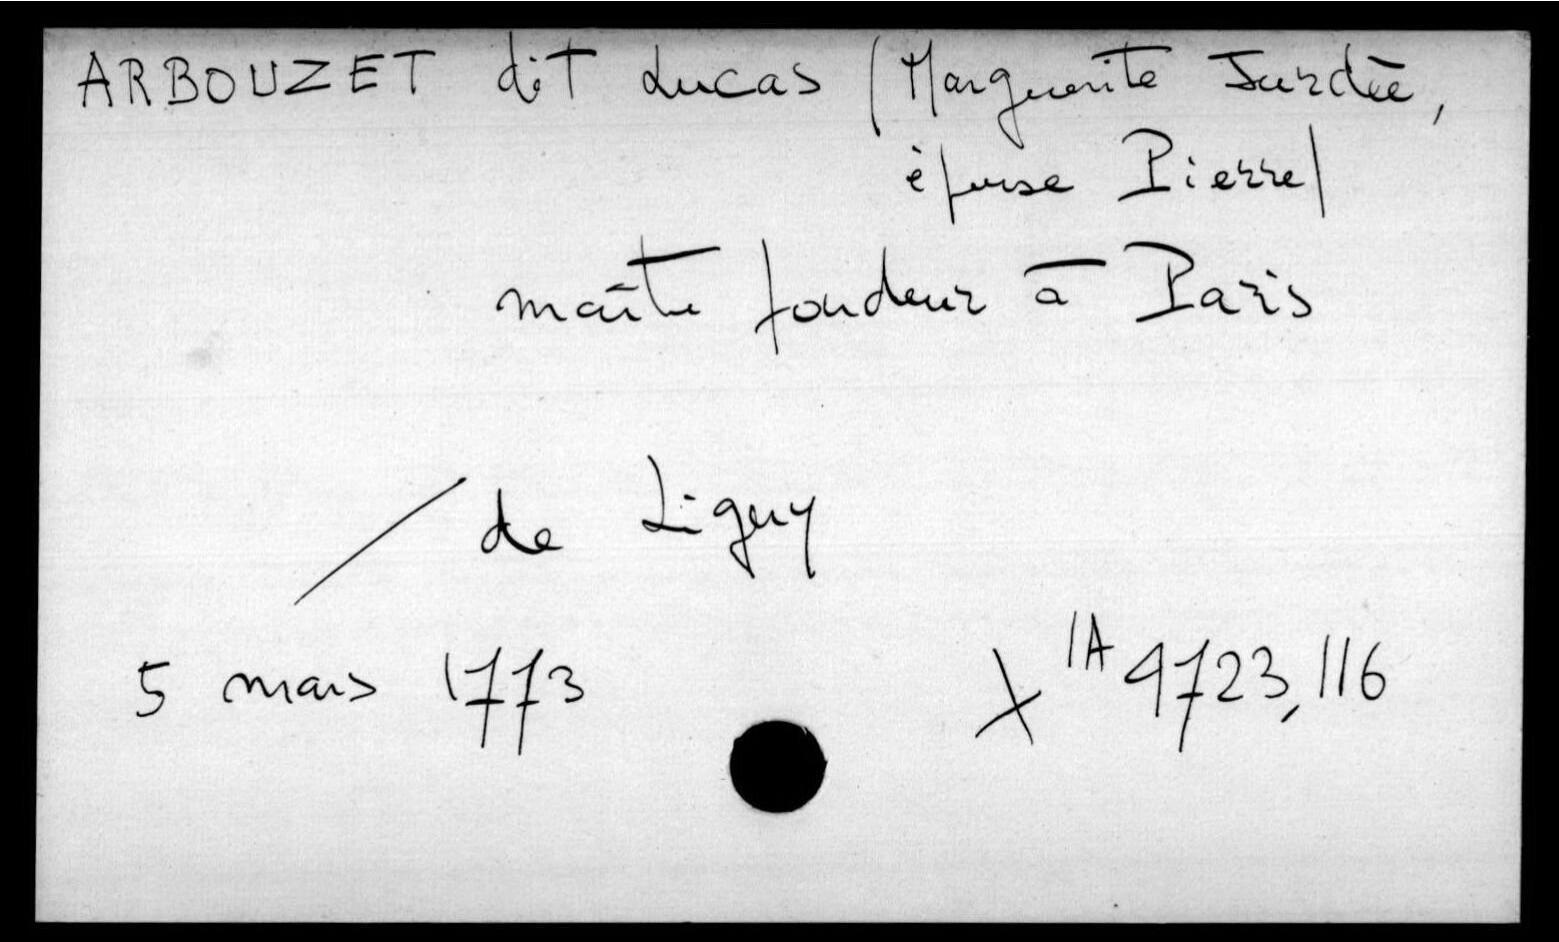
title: ARBOUZET dit Lucas (Marguerite Jurdée, épouse Pierre)
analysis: Contre de Liguy
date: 5 mars 1773
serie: X1A
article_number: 4723
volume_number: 116
